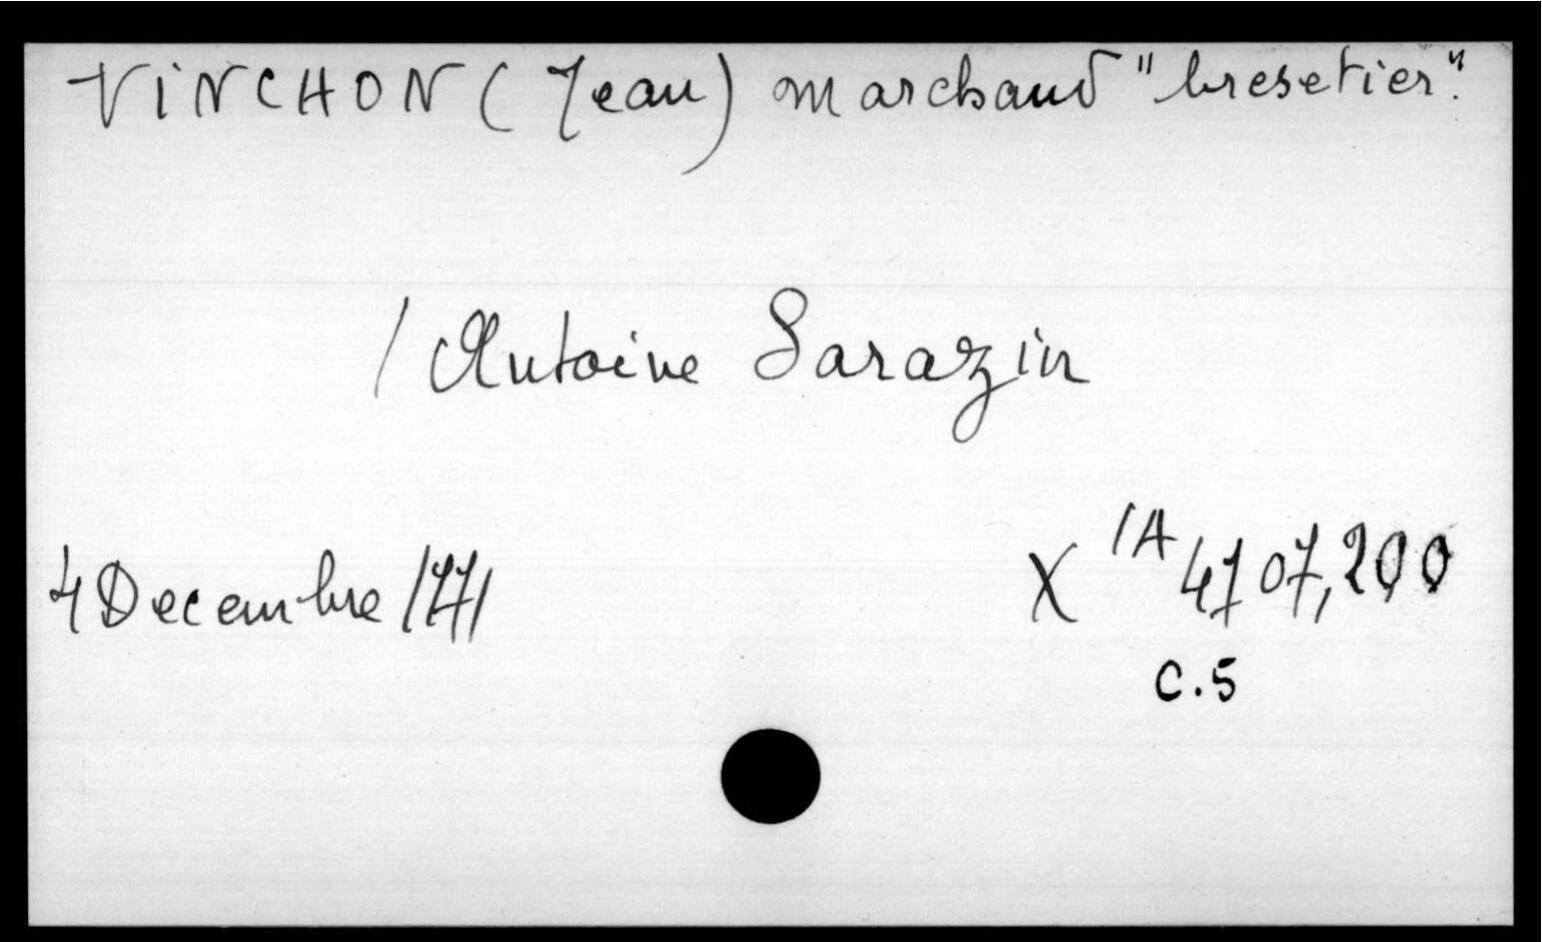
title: VINCHON (Jean) Marchand "bresetier"
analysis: Contre Antoine Sarazin
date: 4 décembre 1771
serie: X1A
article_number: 4707
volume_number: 200 Conseil, 5
